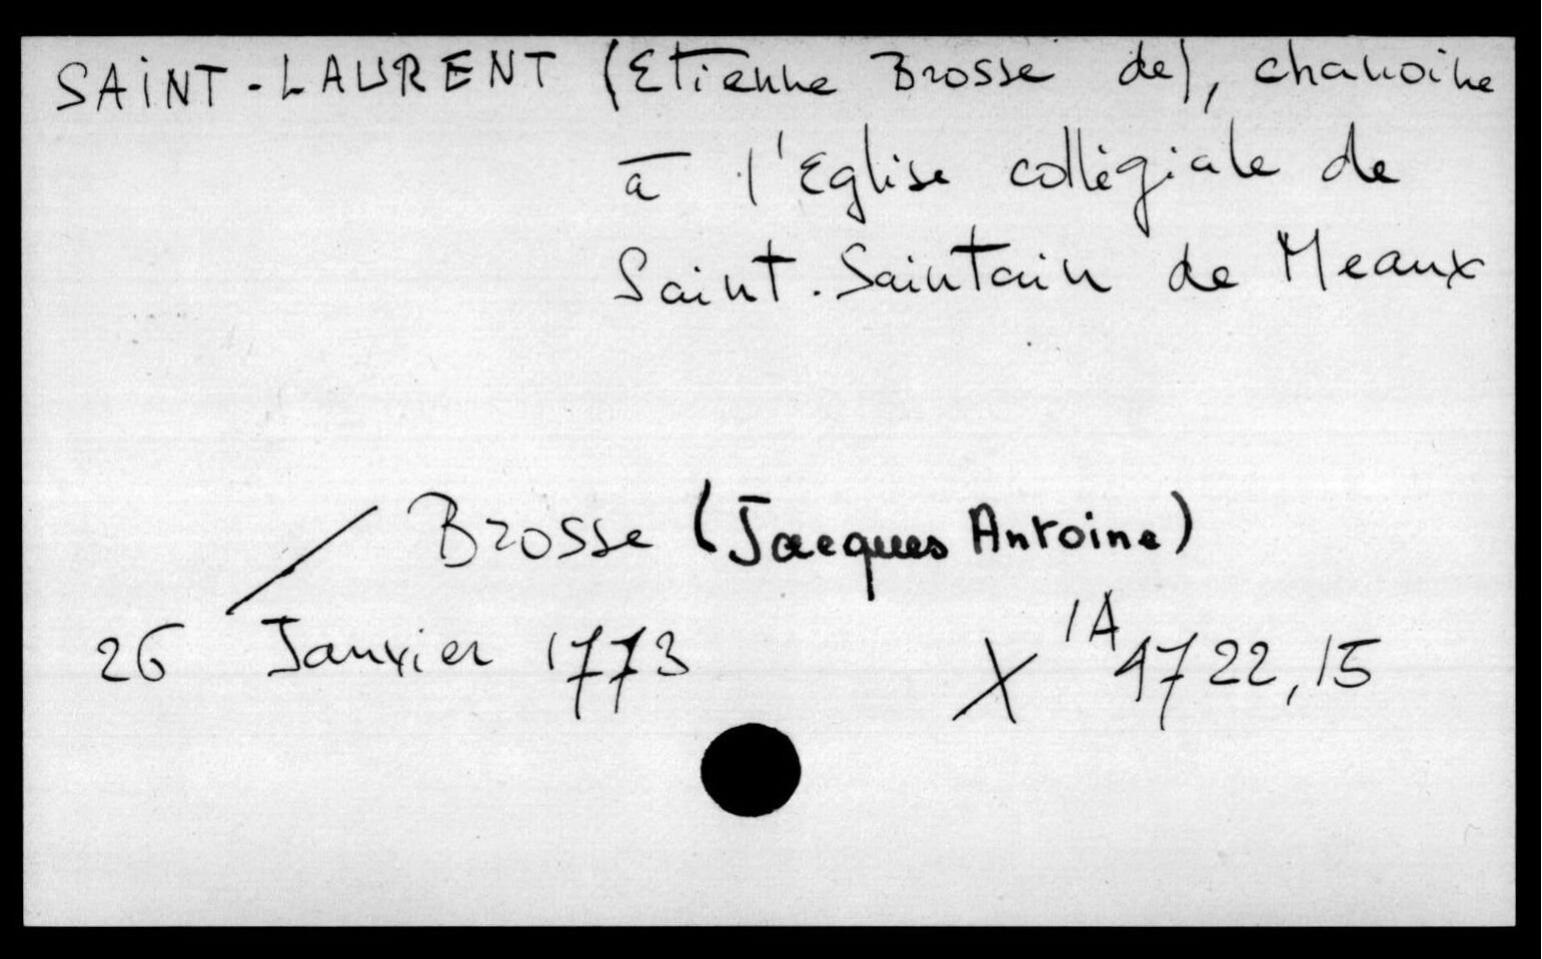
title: SAINT-LAURENT (Étienne Brosse de), chanoine à l'église collégiale de Saint-Saintain de Meaux
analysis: Contre Brosse (Jacques Antoine)
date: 26 janvier 1773
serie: X1A
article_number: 4722
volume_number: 15
